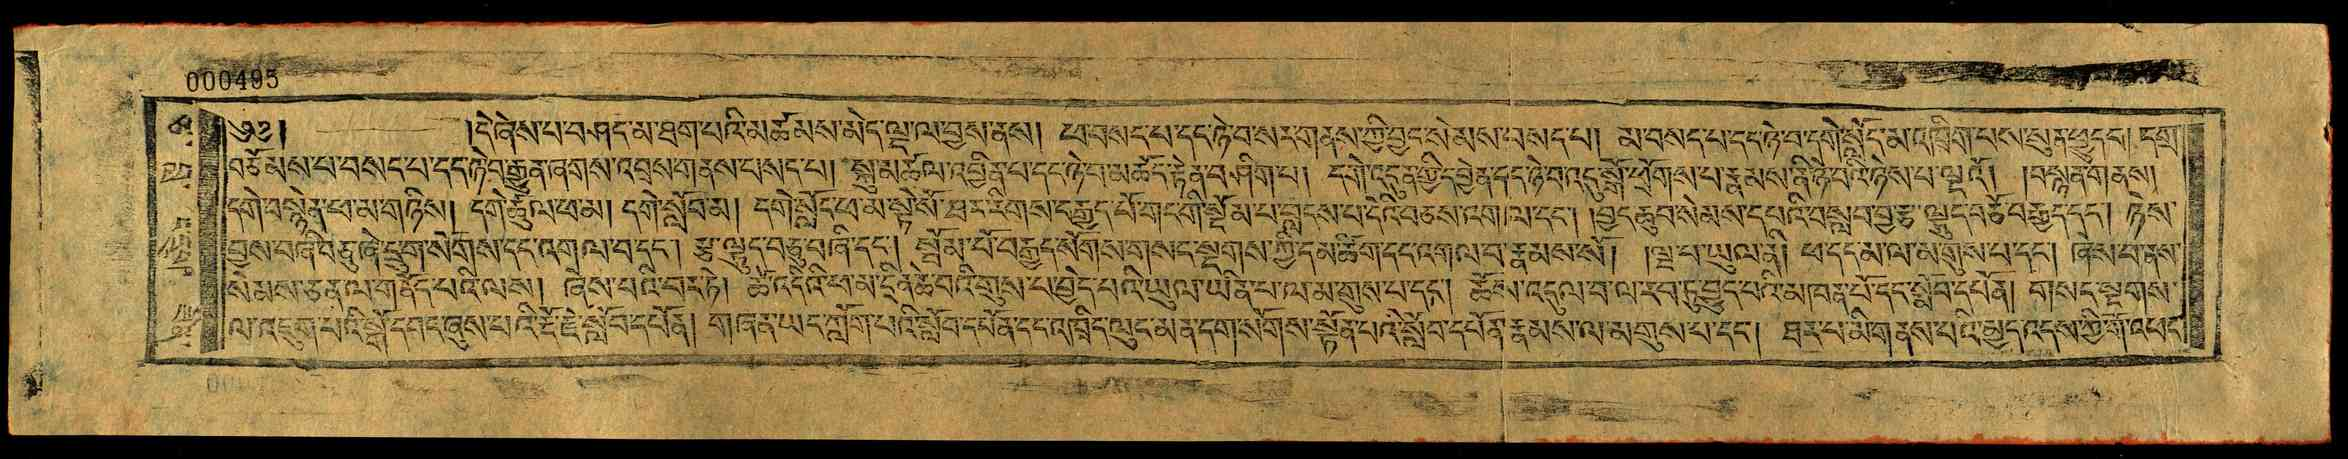༄༅། །དེ་ཞེས་པ་བཤད་མ་ཐག་པའི་མཚམས་མེད་ལྔ་ལ་བྱས་ནས། ཕ་བསད་པ་དང་ཉེ་བ་སར་གནས་ཀྱི་བྱང་སེམས་བསད་པ། མ་བསད་པ་ངང་ཉེ་བ་དགེ་སློང་མ་འཁྲིག་པས་སུན་ཕྱུང་བ། དགྲ་
བཅོམས་པ་བསད་པ་དང་ཉེ་བ་རྒྱུན་ཞུགས་འབྲས་གནས་བསད་པ། སྐུ་མཚལ་འབྱིན་པ་དང་ཉེ་བ་མཆོད་རྟེན་བཤིག་པ། དགེ་འདུན་གྱི་དབྱེན་དང་ཉེ་བ་འདུ་སྒོ་ཕྲོགས་པ་རྣམས་ནི་ཉེ་བའི་ཉེས་པ་ལྔའོ། །བསྙེན་གནས།
དགེ་བསྙེན་ཕ་མ་གཉིས། དགེ་ཚུལ་ཕ་མ། དགེ་སློབ་མ། དགེ་སློང་ཕ་མ་སྟེ་སོ་ཐར་རིགས་བརྒྱད་པོ་གང་གི་སྡོམ་པ་བླངས་པ་དེའི་བཅས་འགལ་དང་། བྱང་ཆུབ་སེམས་དཔའི་བསླབ་བྱ་རྩ་ལྟུང་བཅོ་བརྒྱད་དང་། ཉེས་
བྱས་བཞི་བཅུ་ཞེ་དྲུག་སོགས་དང་འགལ་བ་དང་། རྩ་ལྟུང་བཅུ་བཞི་དང་། སྦོམ་པོ་བརྒྱད་སོགས་གསང་སྔགས་ཀྱི་དམ་ཚིག་དང་འགལ་བ་རྣམས་སོ། །ལྔ་པ་ཡུལ་ནི། ཕ་དང་མ་ལ་མ་གུས་པ་དང་། ཞེས་པ་ནས་
སེམས་ཅན་ལ་གནོད་པའི་ལས། ཞེས་པའི་བར་ཏེ། ཚེ་འདིའི་ཕ་མ་དྲིན་ཆེ་བའི་གུས་པ་བྱེད་པའི་ཡུལ་ཡིན་པ་ལ་མ་གུས་པ་དང་། ཆོས་འདུལ་བ་ལ་རབ་ཏུ་བྱུང་བའི་མཁན་པོ་དང་སློབ་དཔོན། གསང་སྔགས་
ལ་འཇུག་པའི་སྒོ་དབང་ཞུས་པའི་རྡོ་རྗེ་སློབ་དཔོན། གཞན་ཡང་ཀློག་པའི་སློབ་དཔོན་དང་འཁྲིད་ལུང་མན་ངག་སོགས་སྟོན་པའི་སློབ་དཔོན་རྣམས་ལ་མ་གུས་པ་དང་། ཐར་པ་མི་གནས་པའི་མྱང་འདས་ཀྱི་གོ་འཕང་